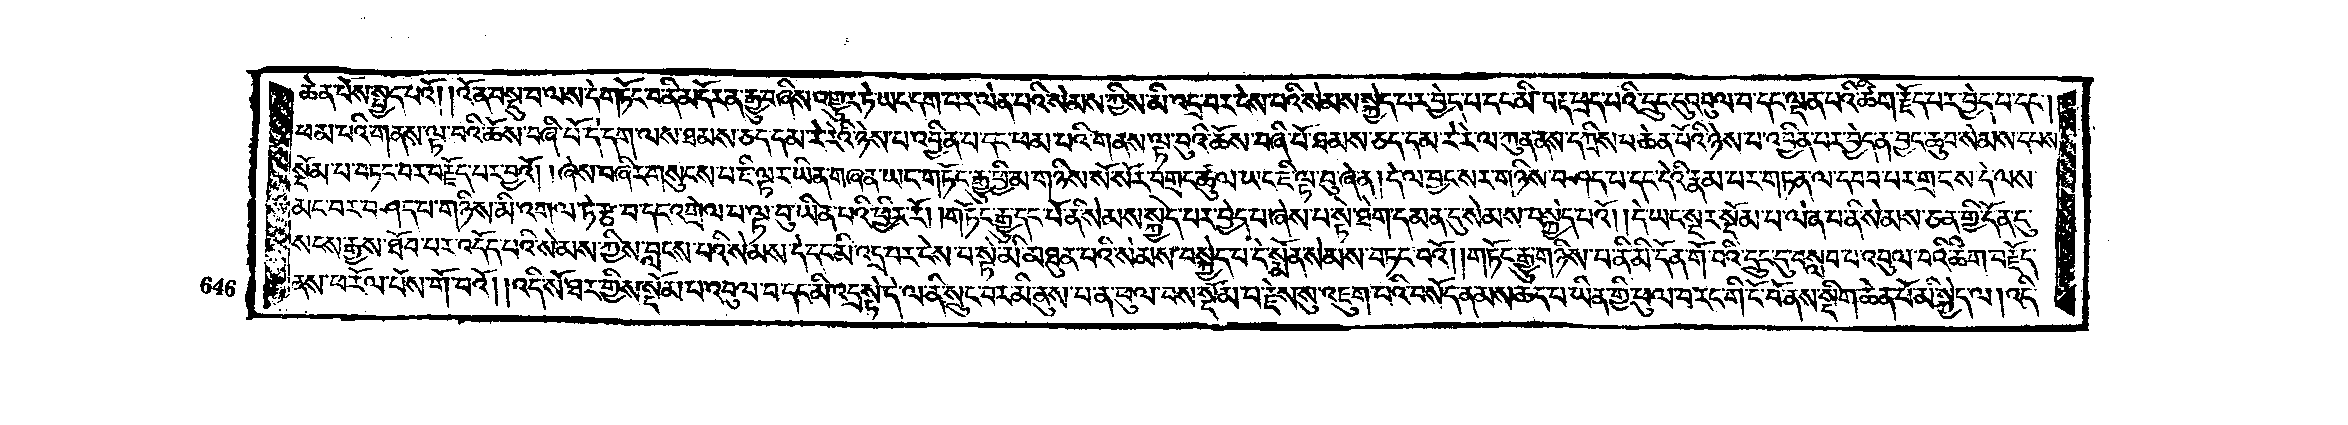ཆེན་པོས་སྤྱད་པའོ། །འོ་ན་བསྡུ་བ་ལས་དེ་གཏོང་བ་ནི་མདོར་ན་རྒྱུ་བཞིས་འགྱུར་ཏེ་ཡང་དག་པར་ལེན་པའི་སེམས་ཀྱིས་མི་འདྲ་བར་ངེས་པའི་སེམས་སྐྱེད་པར་བྱེད་པ་དང་མི་བརྡ་ཕྲད་པའི་དྲུང་དུ་འབུལ་བ་དང་ལྡན་པའི་ཚིག་རྗོད་པར་བྱེད་པ་དང་།
ཕམ་པའི་གནས་ལྟ་བའི་ཆོས་བཞི་པོ་དེ་དག་ལས་ཐམས་ཅད་དམ་རེ་རེའི་ཉེས་པ་འབྱིན་པ་དང་ཕམ་པའི་གནས་ལྟ་བུའི་ཆོས་བཞི་པོ་ཐམས་ཅད་དམ་རེ་རེ་ལ་ཀུན་ནས་དཀྲིས་པ་ཆེན་པོའི་ཉེས་པ་འབྱིན་པར་བྱེད་ན་བྱང་ཆུབ་སེམས་དཔས་
སྡོམ་པ་བཏང་བར་བརྗོད་པར་བྱའོ། །ཞེས་བཞིར་གསུངས་པ་ཇི་ལྟར་ཡིན་གཞན་ཡང་གཏོང་རྒྱུ་ཕྱི་མ་གཉིས་སོ་སོར་བགྲང་ཚུལ་ཡང་ཇི་ལྟ་བུ་ཞེ་ན། དེ་ལ་བྱང་སར་གཉིས་བཤད་པ་དང་དེའི་རྣམ་པར་གཏན་ལ་དབབ་པར་གྲངས་དེ་ལས་
མང་བར་བཤད་པ་གཉིས་མི་འགལ་ཏེ་རྩ་བ་དང་འགྲེལ་པ་ལྟ་བུ་ཡིན་པའི་ཕྱིར་རོ། །གཏོང་རྒྱུ་དང་པོ་ནི་སེམས་སྐྱེད་པར་བྱེད་པ་ཞེས་པ་སྟེ་ཐེག་དམན་དུ་སེམས་བསྐྱེད་པའོ། །དེ་ཡང་སྔར་སྡོམ་པ་ལེན་པ་ནི་སེམས་ཅན་གྱི་དོན་དུ་
སངས་རྒྱས་ཐོབ་པར་འདོད་པའི་སེམས་ཀྱིས་བླངས་པའི་སེམས་དེ་དང་མི་འདྲ་བར་ངེས་པ་སྟེ་མི་མཐུན་པའི་སེམས་བསྐྱེད་པ་དེ་སྨོན་སེམས་བཏང་བའོ། །གཏོང་རྒྱུ་གཉིས་པ་ནི་མི་དོན་གོ་བའི་དྲུང་དུ་བསླབ་པ་འབུལ་བའི་ཚིག་བརྗོད་
ནས་ཕ་རོལ་པོས་གོ་བའོ། །འདི་སོ་ཐར་གྱིས་སྡོམ་པ་འབུལ་བ་དང་མི་འདྲ་སྟེ་དེ་ལ་ནི་སྲུང་བར་མི་ནུས་པ་ན་ཕུལ་བས་སྡོམ་པ་རྗེས་སུ་འཇུག་པའི་བསོད་ནམས་ཆད་པ་ཡིན་གྱི་ཕུལ་བ་རང་གི་ངོ་བོ་ནས་སྡིག་ཆེན་པོ་མི་སྐྱེད་ལ། འདི་